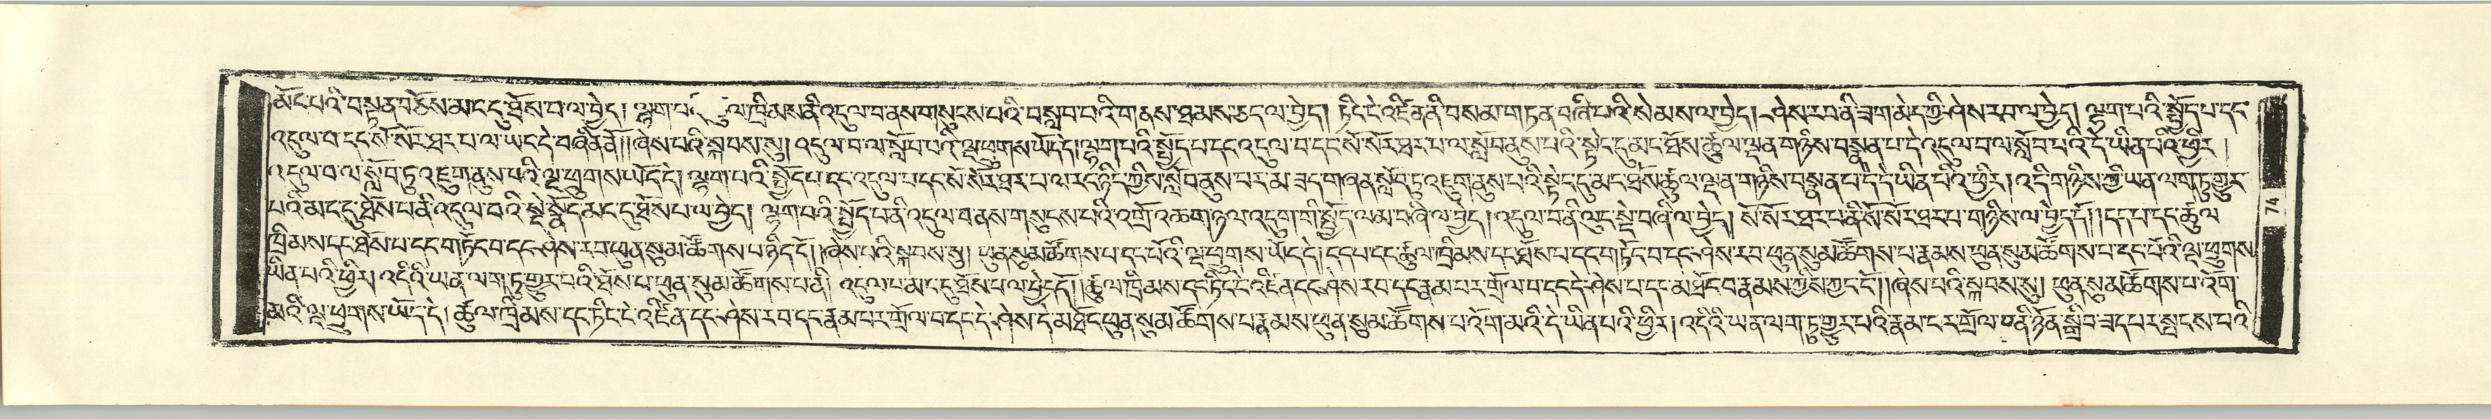མོང་པའི་བསྟན་བཅོས་མང་དུ་ཐོས་བ་ལ་བྱེད། ལྷག་པའི་ཚུལ་ཁྲིམས་ནི་འདུལ་བ་ནས་གསུངས་པའི་བསླབ་པའི་གནས་ཐམས་ཅད་ལ་བྱེད། ཏིང་ངེ་འཛིན་ནི་བསམ་གཏན་བཞི་པའི་སེམས་ལ་བྱེད། ཤེས་རབ་ནི་ཟག་མེད་ཀྱི་ཤེས་རབ་ལ་བྱེད། ལྷག་པའི་སྤྱོད་པ་དང་
འདུལ་བ་དང་སོ་སོར་ཐར་པ་ལ་ཡང་དེ་བཞིན་ནོ། །ཞེས་པའི་སྐབས་སུ། འདུལ་བ་ལ་སློབ་པའི་ལྔ་ཕྲུགས་ཡོད་དེ། ལྷག་པའི་སྤྱོད་པ་དང་འདུལ་བ་དང་སོ་སོར་ཐར་པ་ལ་སློབ་ནུས་པའི་སྟེང་དུ་མང་ཐོས་ཚུལ་ལྡན་གཉིས་བསྣན་པ་དེ་འདུལ་བ་ལ་སློབ་པའི་དེ་ཡིན་པའི་ཕྱིར།
འདུལ་བ་ལ་སློབ་ཏུ་འཇུག་ནུས་པའི་ལྔ་ཕྲུགས་ཡོད་དེ། ལྷག་པའི་སྤྱོད་པ་དང་འདུལ་བ་དང་སོ་སོར་ཐར་པ་ལ་རང་ཉིད་ཀྱིས་སློབ་ནུས་པར་མ་ཟད་གཞན་སློབ་ཏུ་འཇུག་ནུས་པའི་སྟེང་དུ་མང་ཐོས་ཚུལ་ལྡན་གཉིས་བསྣན་པ་དེ་དེ་ཡིན་པའི་ཕྱིར། འདི་གཉིས་ཀྱི་ཡན་ལག་ཏུ་གྱུར་
པའི་མང་དུ་ཐོས་པ་ནི་འདུལ་བའི་སྡེ་སྣོད་མང་དུ་ཐོས་པ་ལ་བྱེད། ལྷག་པའི་སྤྱོད་པ་ནི་འདུལ་བ་ནས་གསུངས་པའི་འགྲོ་འཆག་ཉལ་འདུག་གི་སྤྱོད་ལམ་བཞི་ལ་བྱེད། འདུལ་བ་ནི་ལུང་སྡེ་བཞི་ལ་བྱེད། སོ་སོར་ཐར་པ་ནི་སོ་སོར་ཐར་པ་གཉིས་ལ་བྱེད་དོ། །དད་པ་དང་ཚུལ་
ཁྲིམས་དང་ཐོས་པ་དང་གཏོང་བ་དང་ཤེས་རབ་ཕུན་སུམ་ཚོགས་པ་ཉིད་དོ། །ཞེས་པའི་སྐབས་སུ། ཕུན་སུམ་ཚོགས་པ་དང་པོའི་ལྔ་ཕྲུགས་ཡོད་དེ། དད་པ་དང་ཚུལ་ཁྲིམས་དང་ཐོས་པ་དང་གཏོང་བ་དང་ཤེས་རབ་ཕུན་སུམ་ཚོགས་པ་རྣམས་ཕུན་སུམ་ཚོགས་པ་དང་པོའི་ལྔ་ཕྲུགས་
ཡིན་པའི་ཕྱིར། འདིའི་ཡན་ལག་ཏུ་གྱུར་པའི་ཐོས་པ་ཕུན་སུམ་ཚོགས་པ་ནི། འདུལ་བ་མང་དུ་ཐོས་པ་ལ་བྱེད་དོ། །ཚུལ་ཁྲིམས་དང་ཏིང་ངེ་འཛིན་དང་ཤེས་རབ་དང་རྣམ་པར་གྲོལ་བ་དང་དེ་ཤེས་པ་དང་མཐོང་བ་རྣམས་ཀྱིས་ཀྱང་ངོ། །ཞེས་པའི་སྐབས་སུ། ཕུན་སུམ་ཚོགས་པ་འོག་
མའི་ལྔ་ཕྲུགས་ཡོད་དེ། ཚུལ་ཁྲིམས་དང་ཏིང་ངེ་འཛིན་དང་ཤེས་རབ་དང་རྣམ་པར་གྲོལ་བ་དང་དེ་ཤེས་དེ་མཐོང་ཕུན་སུམ་ཚོགས་པ་རྣམས་ཕུན་སུམ་ཚོགས་པ་འོག་མའི་དེ་ཡིན་པའི་ཕྱིར། འདིའི་ཡན་ལག་ཏུ་གྱུར་པའི་རྣམ་པར་གྲོལ་བ་ནི་ཉོན་སྒྲིབ་ཟད་པར་སྤངས་པའི་